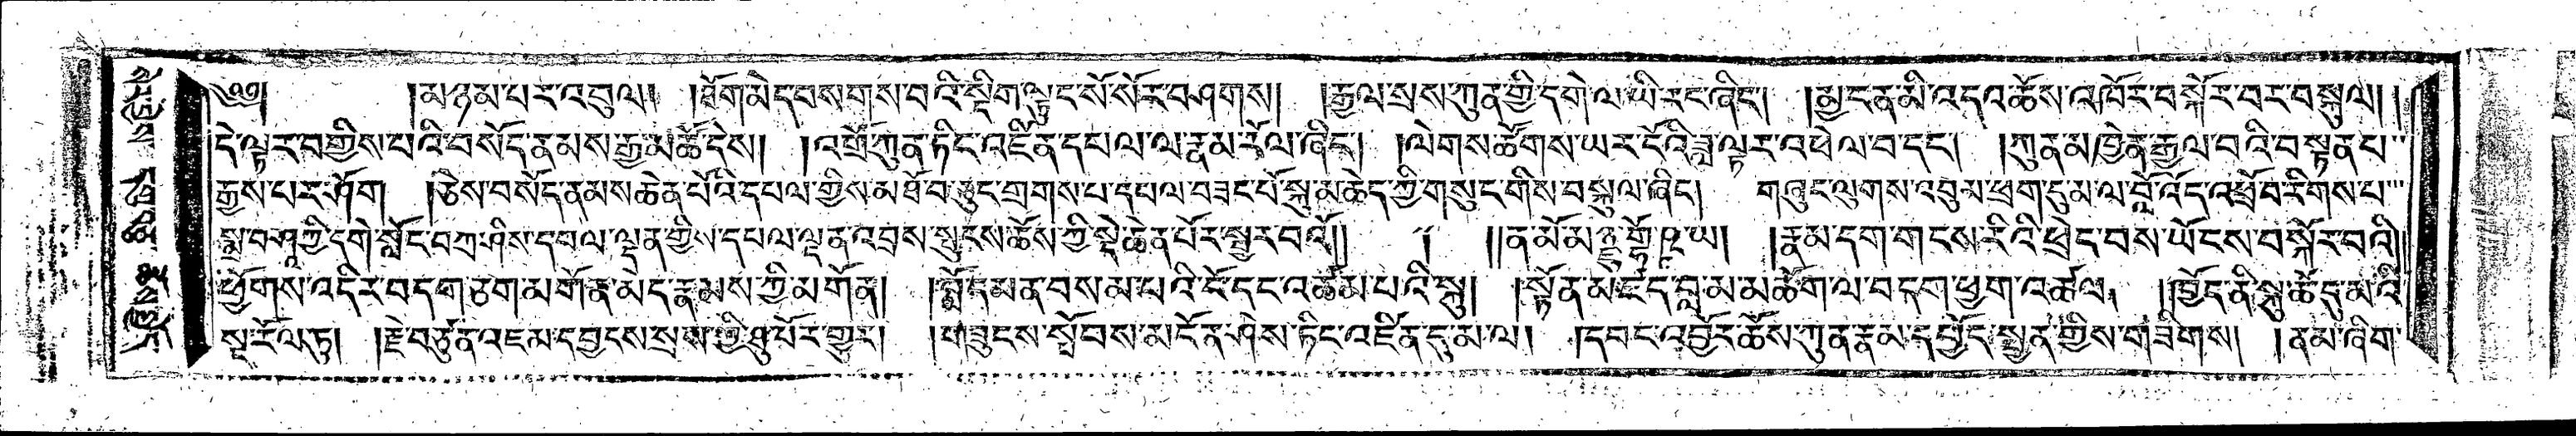༄༅། །མཉམ་པར་འབུལ། །ཐོག་མེད་བསགས་པའི་སྡིག་ལྟུང་སོ་སོར་བཤགས། །རྒྱལ་སྲས་ཀུན་གྱི་དགེ་ལ་ཡི་རང་ཞིང་། །མྱ་ངན་མི་འདའ་ཆོས་འཁོར་བསྐོར་བར་བསྐུལ། །
དེ་ལྟར་བགྱིས་པའི་བསོད་ནམས་རྒྱ་མཚོ་དེས། །འགྲོ་ཀུན་ཏིང་འཛིན་དཔལ་ལ་རྣམ་རོལ་ཞིང་། །ལེགས་ཚོགས་ཡར་ངོའི་ཟླ་ལྟར་འཕེལ་བ་དང་། །ཀུན་མཁྱེན་རྒྱལ་བའི་བསྟན་པ་
རྒྱས་པར་ཤོག །ཅེས་བསོད་ནམས་ཆེན་པོའི་དཔལ་གྱིས་མཐོ་བ་ཅུང་གྲགས་པ་དཔལ་བཟང་པོ་སྐུ་མཆེད་ཀྱི་གསུང་གིས་བསྐུལ་ཞིང་། གཞུང་ལུགས་འབུམ་ཕྲག་དུ་མ་ལ་བློ་འོད་འཕྲོ་བ་རིགས་པ་
སྨྲ་བ་ཤཱཀྱི་དགེ་སློང་བཀྲ་ཤིས་དཔལ་ལྡན་གྱིས་དཔལ་ལྡན་འབྲས་སྤུངས་ཆོས་ཀྱི་སྡེ་ཆེན་པོར་སྦྱར་བའོ།། ༈ །།ན་མོ་མཉྫུ་གྷོ་ཥཱ་ཡ། །རྣམ་དག་གངས་རིའི་ཕྲེང་པས་ཡོངས་བསྐོར་བའི།
ཕྱོགས་འདིར་བདག་ཅག་མགོན་མེད་རྣམས་ཀྱི་མགོན། །བློ་དམན་བསམ་པའི་ངོ་དང་འཚམ་པའི་སྐུ། །སྟོན་མཛད་བླ་མ་མཆོག་ལ་བདག་ཕྱག་འཚལ། །ཁྱོད་ནི་སྐུ་ཚེ་དུ་མའི་
སྔ་རོལ་ཏུ། །རྗེ་བཙུན་འཇམ་དབྱངས་སྲས་ཀྱི་ཐུ་པོར་གྱུར། །གཟུངས་སྤོབས་མངོན་ཤེས་ཏིང་འཛིན་དུ་མ་ལ། །དབང་འབྱོར་ཆོས་ཀུན་རྣམ་དཔྱོད་སྤྱན་གྱིས་གཟིགས། །ནམ་ཞིག་